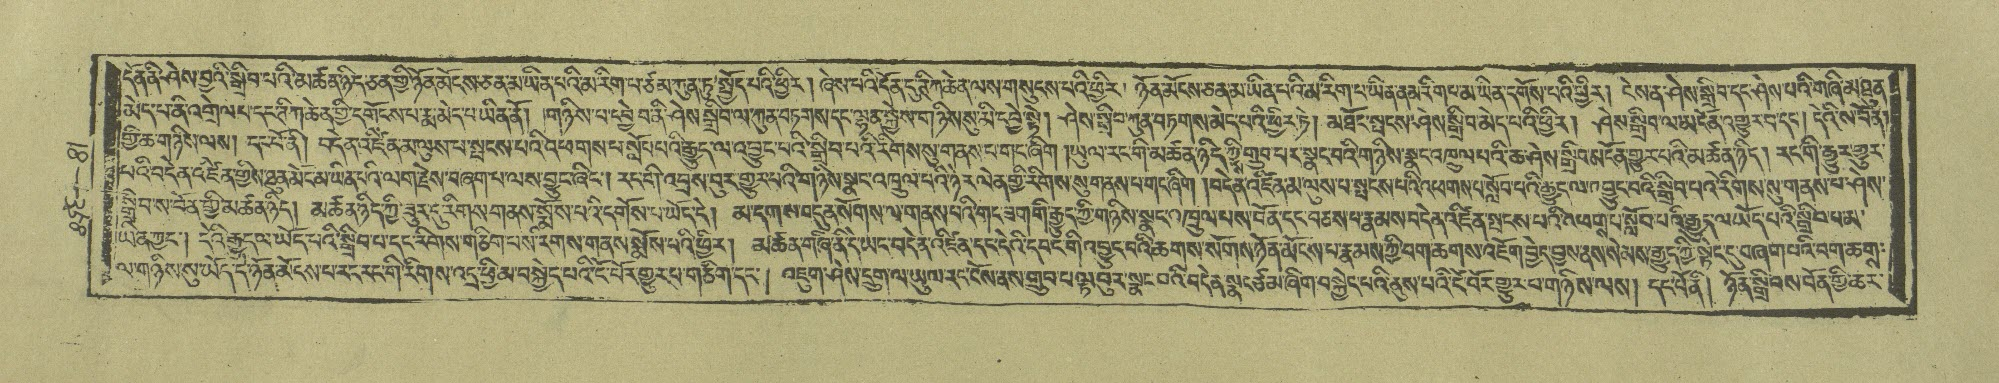དོན་ནི་ཤེས་བྱའི་སྒྲིབ་པའི་མཚན་ཉིད་ཅན་གྱི་ཉོན་མོངས་ཅན་མ་ཡིན་པའི་མ་རིག་པ་ཙམ་ཀུན་ཏུ་སྤྱོད་པའི་ཕྱིར། ཞེས་པའི་དོན་དུ་ཊིཀ་ཆེན་ལས་གསུངས་པའི་ཕྱིར། ཉོན་མོངས་ཅན་མ་ཡིན་པའི་མ་རིག་པ་ཡིན་ནམ་རིག་པ་མ་ཡིན་དགོས་པའི་ཕྱིར། དེས་ན་ཤེས་སྒྲིབ་དང་ཤེས་པའི་གཞི་མཐུན་
མེད་པ་ནི་འགྲེལ་པ་དང་ཊིཀ་ཆེན་གྱི་དགོངས་པ་རྨ་མེད་པ་ཡིན་ནོ། །གཉིས་པ་དབྱེ་བ་ནི་ཤེས་སྒྲིབ་ལ་ཀུན་བཏགས་དང་ལྷན་སྐྱེས་གཉིས་སུ་མི་དབྱེ་སྟེ། ཤེས་སྒྲིབ་ཀུན་བཏགས་མེད་པའི་ཕྱིར་ཏེ། མཐོང་སྤངས་ཤེས་སྒྲིབ་མེད་པའི་ཕྱིར། ཤེས་སྒྲིབ་ལ་མངོན་འགྱུར་བ་དང་། དེའི་ས་བོན་
གྱི་ཆ་གཉིས་ལས། དང་པོ་ནི། བདེན་འཛིན་མ་ལུས་པ་སྤངས་པའི་འཕགས་པ་སློབ་པའི་རྒྱུད་ལ་འབྱུང་བའི་སྒྲིབ་པའི་རིགས་སུ་གནས་པ་གང་ཞིག །ཡུལ་རང་གི་མཚན་ཉིད་ཀྱིས་གྲུབ་པར་སྣང་བའི་གཉིས་སྣང་འཁྲུལ་བའི་ཆ་ཤེས་སྒྲིབ་མངོན་གྱུར་པའི་མཚན་ཉིད། རང་གི་རྒྱུར་གྱུར་
པའི་བདེན་འཛིན་གྱིས་ཐུན་མོང་མ་ཡིན་པའི་ལག་རྗེས་བཞག་པ་ལས་བྱུང་ཞིང་། རང་གི་འབྲས་བུར་གྱུར་པའི་གཉིས་སྣང་འཁྲུལ་པའི་ཉེར་ལེན་གྱི་རིགས་སུ་གནས་པ་གང་ཞིག །བདེན་འཛིན་མ་ལུས་པ་སྤངས་པའི་འཕགས་པ་སློབ་པའི་རྒྱུད་ལ་འབྱུང་བའི་སྒྲིབ་པའི་རིགས་སུ་གནས་པ་ཤེས་
སྒྲིབ་ས་བོན་གྱི་མཚན་ཉིད། མཚན་ཉིད་ཀྱི་ཟུར་དུ་རིགས་གནས་སྨོས་པའི་དགོས་པ་ཡོད་དེ། མ་དག་ས་བདུན་སོགས་ལ་གནས་པའི་གང་ཟག་གི་རྒྱུད་ཀྱི་གཉིས་སྣང་འཁྲུལ་པ་ས་བོན་དང་བཅས་པ་རྣམས་བདེན་འཛིན་སྤངས་པའི་འཕགས་པ་སློབ་པའི་རྒྱུད་ལ་ཡོད་པའི་སྒྲིབ་པ་མ་
ཡིན་ཀྱང་། དེའི་རྒྱུད་ལ་ཡོད་པའི་སྒྲིབ་པ་དང་རིགས་གཅིག་པས་རིགས་གནས་སྨོས་པའི་ཕྱིར། མཚན་གཞི་ནི་དེ་ཡང་བདེན་འཛིན་དང་དེའི་དབང་གི་འབྱུང་བའི་ཆགས་སོགས་ཉོན་མོངས་པ་རྣམས་ཀྱི་བག་ཆགས་འཇོག་བྱེད་བྱས་ནས་སེམས་རྒྱུད་ཀྱི་སྟེང་དུ་བཞག་པའི་བག་ཆགས་
ལ་གཉིས་སུ་ཡོད་དེ་ཉོན་མོངས་པ་རང་རང་གི་རིགས་འདྲ་ཕྱི་མ་བསྐྱེད་པའི་ངོ་བོར་གྱུར་བ་གཅིག་དང་། འཇུག་ཤེས་དྲུག་ལ་ཡུལ་རང་ངོས་ནས་གྲུབ་པ་ལྟར་བུར་སྣང་བའི་བདེན་སྣང་ཙམ་ཞིག་བསྐྱེད་པའི་ནུས་པའི་ངོ་བོར་གྱུར་པ་གཉིས་ལས། དང་པོ་ནི། ཉོན་སྒྲིབ་ས་བོན་གྱི་ཆར་